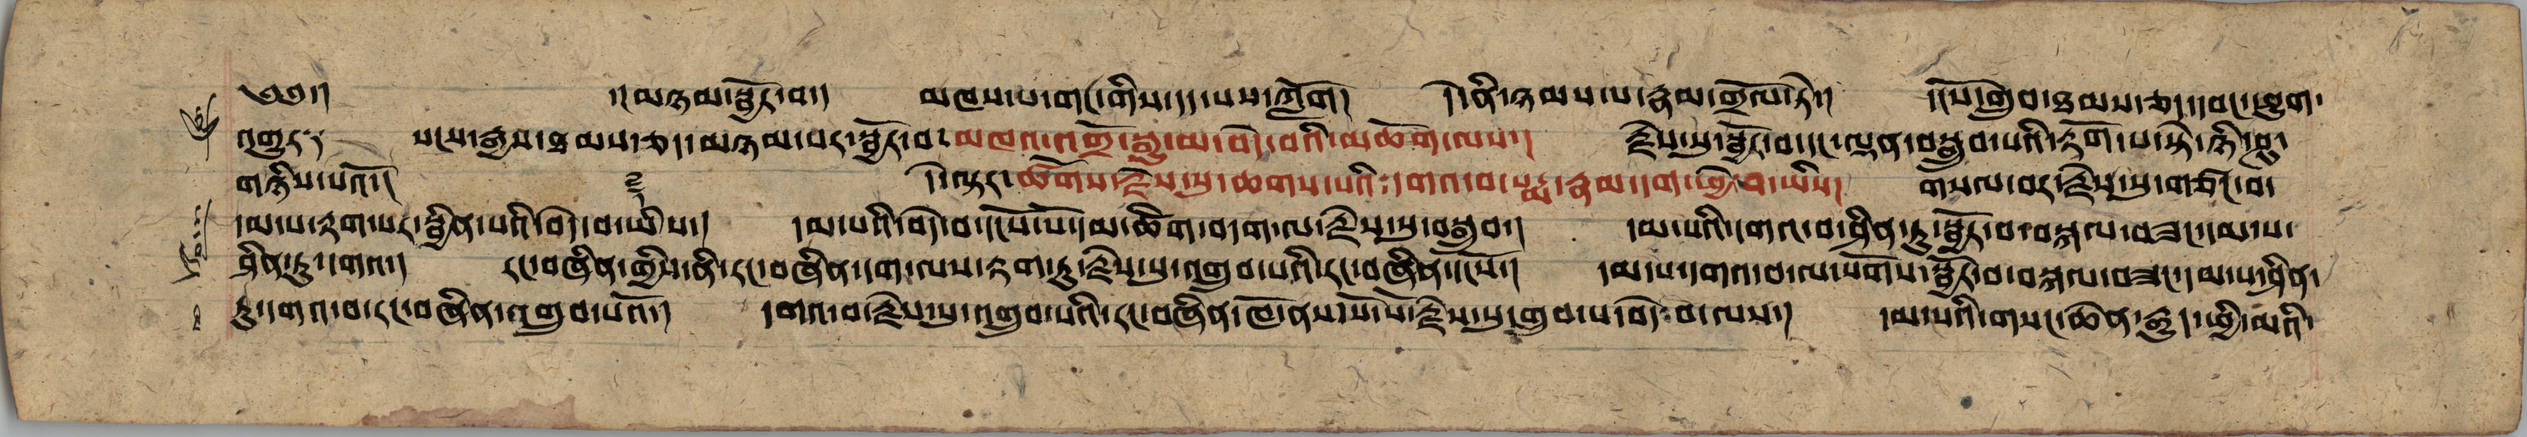༄༅་། ་།མཉམ་སྦྱོར་བ་། མཁས་པ་གང་གིས་དད་པས་ཀློག། དེ་ནི་ཉམས་པ་རྣམ་གྲོལ་ཏེ་། དངོས་གྲུབ་ཐམས་ཅད་དབང་ཕྱུག་
འགྱུར༑ སངས་རྒྱས་ཐམས་ཅད་མཉམ་པར་སྦྱོར་བ་མཁའ་འགྲོ་སྒྱུ་མ་བདེ་བའི་མཆོག་ལས་། རྗེས་སུ་སྦྱོར་བ་དང་ལྡན་བསྒྲུབ་པའི་རྟོག་པ་སྟེ་ཉི་ཤུ་
གཉིས་པའོ་། ༈ དེ་ལྟར་ཚོགས་རྗེས་སུ་ཆགས་པའི་དགའ་བ་པདྨ་རྣམ་དག་ཕྱེ་བ་ཡིས། གསལ་བར་རྗེས་སུ་གཙང་བ་
དམ་པ་རྟག་པར་སྦྱིན་པའི་བདེ་བ་ཡིས་། དམ་པའི་བདེ་བ་དངོས་པོ་དམ་ཚིག་བདག་ལ་རྗེས་སུ་བསྒྲུབ་། དམ་པའི་དགའ་བ་ཤིན་ཏུ་སྦྱོར་བ་བསྐལ་བཟང་དམ་པ་
ཤིན་ཏུ་དགའ་། རང་བཞིན་གྱིས་ནི་རང་བཞིན་དག་ལས་རྟག་ཏུ་རྗེས་སུ་འགྲུབ་པའི་རང་བཞིན་དངོས་། དམ་པ་དགའ་བ་ལ་སོགས་སྦྱོར་བ་བསྐལ་བཟང་དམ་པ་ཤིན་
ཏུ་དགའ་བ་རང་བཞིན་འགྲུབ་པའོ་། དགའ་བ་རྗེས་སུ་འགྲུབ་པའི་རང་བཞིན་ཁོ་ནས་སོ་སོ་རྗེས་སུ་གྲུབ་པ་བདེ་བ་ལས་། དམ་པའི་གསང་ཆེན་རྒྱུད་ཕྱི་མའི་